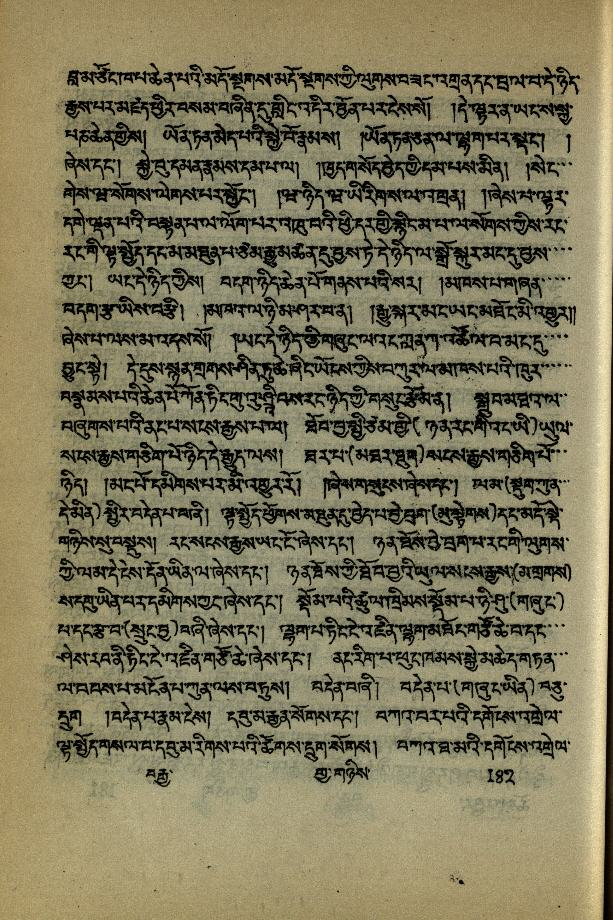བླ་མ་ཙོང་ཁ་པ་ཆེན་པའི་མདོ་སྔགས་མདོ་སྔགས་ཀྱི་ལུགས་བཟང་འགྲན་དང་བྲལ་བ་དེ་ཉིད་
རྒྱས་པར་མཛད་ཕྱིར་བསམ་བཞིན་དུ་གླིང་འདིར་བྱོན་པར་ངེས་སོ། །དེ་ལྟར་ན་ཡང་ས་སྐྱ་
པཎ་ཆེན་གྱིས། ཡོན་ཏན་མེད་པའི་སྐྱེ་བོ་རྣམས། །ཡོན་ཏན་ཅན་ལ་ལྷག་པར་སྡང་། །
ཞེས་དང་། སྐྱེ་བུ་དམན་རྣམས་དམ་པ་ལ། །ཁྱད་གསོད་བྱེད་ཀྱི་དམ་པས་མིན། །སེང་
གེས་ཝ་སོགས་ལེགས་པར་སྐྱོང་། །ཝ་ཉིད་ཝ་ཡི་རིགས་ལ་འགྲན། །ཞེས་པ་ལྟར་
དགེ་ལྡན་པའི་བསྟན་པ་ལ་ལོག་པར་འཁུ་བའི་ཕྱི་དར་གྱི་སྙིང་མ་པ་ལ་སོགས་ཀྱིས་རང་
རང་གི་ལྟ་སྤྱོད་དང་མ་མཐུན་པ་ཙམ་རྒྱུ་མཚན་དུ་བྱས་ཏེ་དེ་ཉིད་ལ་སྒྲོ་སྐུར་མང་དུ་བྱས་
ཀྱང་། ཡང་དེ་ཉིད་ཀྱིས། བདག་ཉིད་ཆེན་པོ་གནས་པའི་སར། །མཁས་པ་གཞན་
བདག་རྩ་ཡིས་བརྩི། །མཁའ་ལ་ཉི་མ་ཤར་བ་ན། །རྒྱུ་སྐར་མང་ཡང་མཐོང་མི་འགྱུར།།
ཞེས་པ་ལས་མ་འདས་སོ། །ཡང་དེ་ཉིད་ཀྱི་གཞུང་ལའང་ཀླན་ཀ་འཚོལ་བ་མང་དུ་
བྱུང་སྟེ། དེ་དུས་སྙན་གྲགས་ཤིན་ཏུ་ཆེ་ཞིང་ཡོངས་ཀྱིས་བཀུར་ལ་མཁས་པའི་ཁུར་
བསྣམས་པའི་ཆེན་པོ་ཀོན་ཏིང་གུ་འུ་ཤྲཱི་བས་རང་ཉིད་ཀྱི་གསུང་རྩོམ་ན། སྒྲུབ་མཐའ་ལ་
བཞུགས་པའི་ནང་པ་སངས་རྒྱས་པ་ལ། ཐོབ་བྱ་སྤྱི་ཙམ་གྱི་ཉན་རང་གི་འང་ཡི་ཡུལ་
སངས་རྒྱས་གཅིག་པོ་ཉིད་དེ་རྒྱུད་ལས། ཐར་པ་མཐར་ཐུག་སངས་རྒྱས་གཅིག་པོ་
ཉིད། །མང་པོ་དམིགས་པར་མི་འགྱུར་རོ། །ཞེས་གསུངས་ཞེས་དང་། ལམ་སྡུག་ཀུན་
དེ་མིན་སྤྱིར་བདེན་པ་བཞི། ལྟ་སྤྱོད་ཕྱོགས་མཐུན་དུ་བྱེད་པ་བྱེ་བྲག་མུ་སྟེགས་དང་མདོ་སྡེ་
གཉིས་སུ་བསྡུས། རང་སངས་རྒྱས་ཡང་ངོ་ཞེས་དང་། ཉན་ཐོས་བྱེ་བྲག་པ་རང་གི་ལུགས་
ཀྱི་ལམ་དེ་ངེས་དོན་ཡིན་ལ་ཞེས་དང་། ཉན་ཐོས་ཀྱི་ཐོབ་བྱའི་ཡུལ་སངས་རྒྱས་མ་གྲགས
ས་དགུ་ཡིན་པར་དམིགས་ཀྱང་ཞེས་དང་། སྡོམ་པའི་ཚུལ་ཁྲིམས་སྡོམ་པ་ཉི་ཤུ་གཞུང
པ་དང་རྩ་བ་སྲུང་བྱ་བཞི་ཞེས་དང་། ལྷག་པ་ཏིང་ངེ་འཛིན་ལྷག་མཐོང་གཙོ་ཆེ་བ་དང་
ཤེས་རབ་ནི་ཏིང་ངེ་འཛིན་གཙོ་ཆེ་ཞེས་དང་། ནང་རིག་པ་ཕུང་ཁམས་སྐྱེ་མཆེད་གཏན་
ལ་བབས་པ་མངོན་པ་ཀུན་ལས་བཏུས། བདེན་བཞི། བདེན་པ་གཞུང་ཡིན་བཅུ་
དྲུག །བདེན་པ་རྣམ་ངེས། དབུ་མ་རྒྱན་སོགས་དང་། བཀའ་བར་པའི་དགོངས་འགྲེལ་
ལྟ་སྤྱོད་གསལ་བ་དབུ་མ་རིགས་པའི་ཚོགས་དྲུག་སོགས། བཀའ་ཐ་མའི་དགོངས་འགྲེལ་